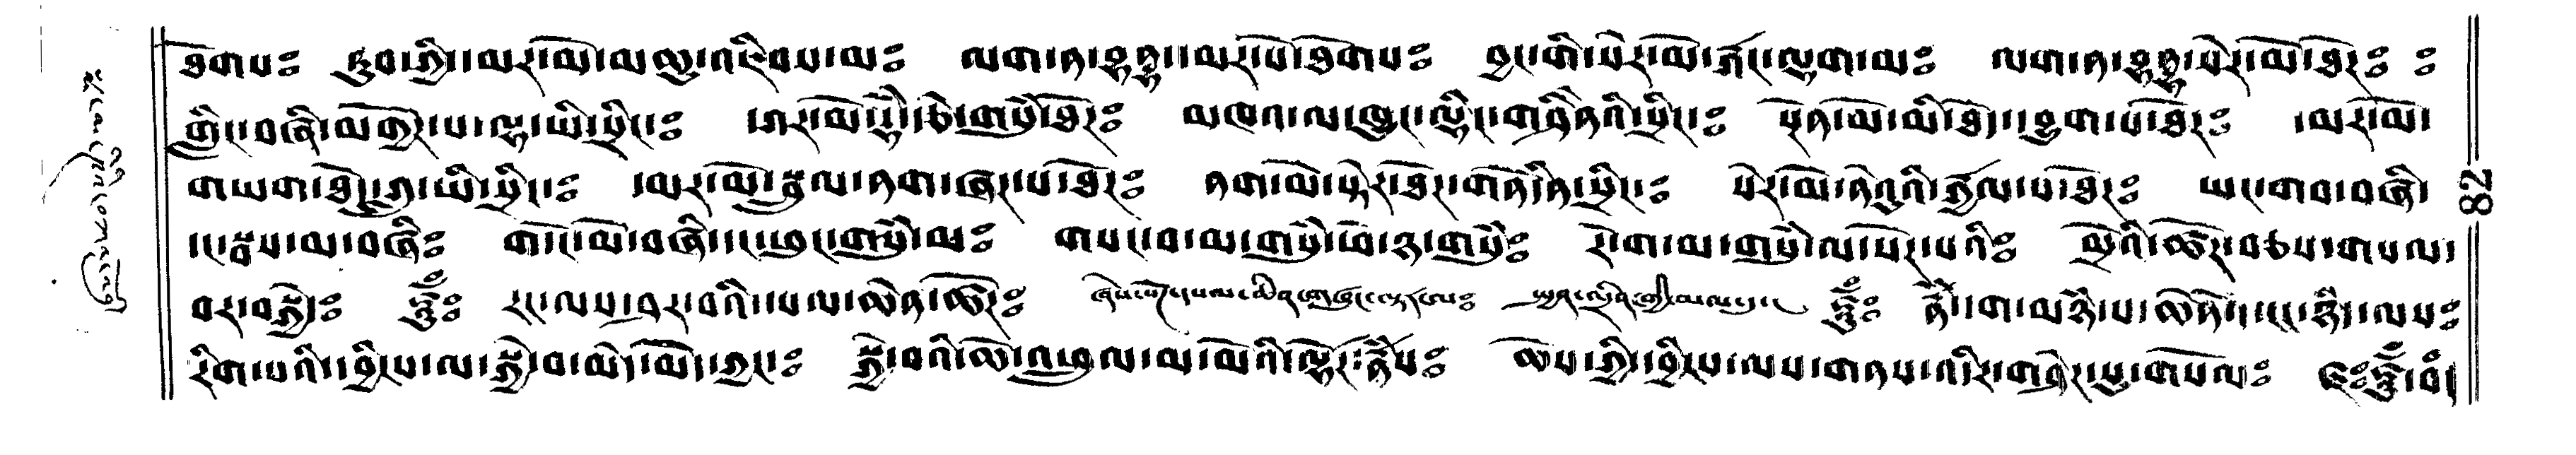ཐོགསཿ ནུབ་ཀྱི་དམར་མོ་མཆུ་འཇིབ་མཿ ལག་ན་བྷནྡྷ་དམར་པོ་ཐོགསཿ བྱང་གི་སེར་མོ་རྐང་ལྡག་མཿ ལག་ན་བྷནྡྷ་སེར་མོ་ཐོགསཿ 
གླིང་བཞི་མགྱོགས་པ་ལྷ་ཡི་སྲིང་ཿ དཀར་མོ་རྡོ་རྗེ་རྩེ་གསུམ་ཐོགསཿ མཁའ་ལ་ཁྱུང་ལྡིང་གཤིན་རྗེའི་སྲིང་ཿ སྔོན་མོ་མི་ཐོད་དབྱུག་པ་ཐོགསཿ དམར་མོ་
གཡག་ཐོད་ཀླུ་ཡི་སྲིང་ཿ དམར་མོ་སྦྲུལ་ནག་ཞགས་པ་ཐོགསཿ ནག་མོ་སྟེར་ཐོགས་གནོད་སྦྱིན་སྲིང་ཿ སེར་མོ་ནེའུ་ལེའི་རྐྱལ་པ་ཐོགསཿ ཡང་གབ་བཞི་
དང་སྦས་མ་བཞིཿ གདོང་མོ་བཞི་དང་ཕུང་གསུམ་མཿ གསང་བ་མ་གསུམ་ཕོ་ཉ་གསུམཿ རོ་གཱམ་གསུམ་ལ་སོགས་པའིཿ མཁའ་འགྲོའི་ཚོགས་བཅས་གསལ་
བར་བསྐྱེདཿ ཧཱུྃཿ རག་ལས་ཤར་བའི་དཔལ་ཆེན་ཚོགསཿ ཞེས་སོགས་དཔལ་ཆེན་གཞུང་ལྟར་ལ། སྤྱན་འདྲེན་གྱི་མལ་དུ། ཧཱུྃཿ རྣམ་དག་མཉམ་པ་ཆེན་པོའི་ངང་ཉིད་ལསཿ 
རིག་པའི་དབྱིངས་ལ་སྐྱེ་བ་མེད་མོད་ཀྱང་ཿ སྐྱེ་བའི་ཆོ་འཕྲུལ་མ་མོའི་ལྷ་ཚོགས་རྣམསཿ ཆོས་ཀྱི་དབྱིངས་ནས་གནས་འདིར་གཤེགས་སུ་གསོལཿཛཿཧཱུྃ་བཾ་